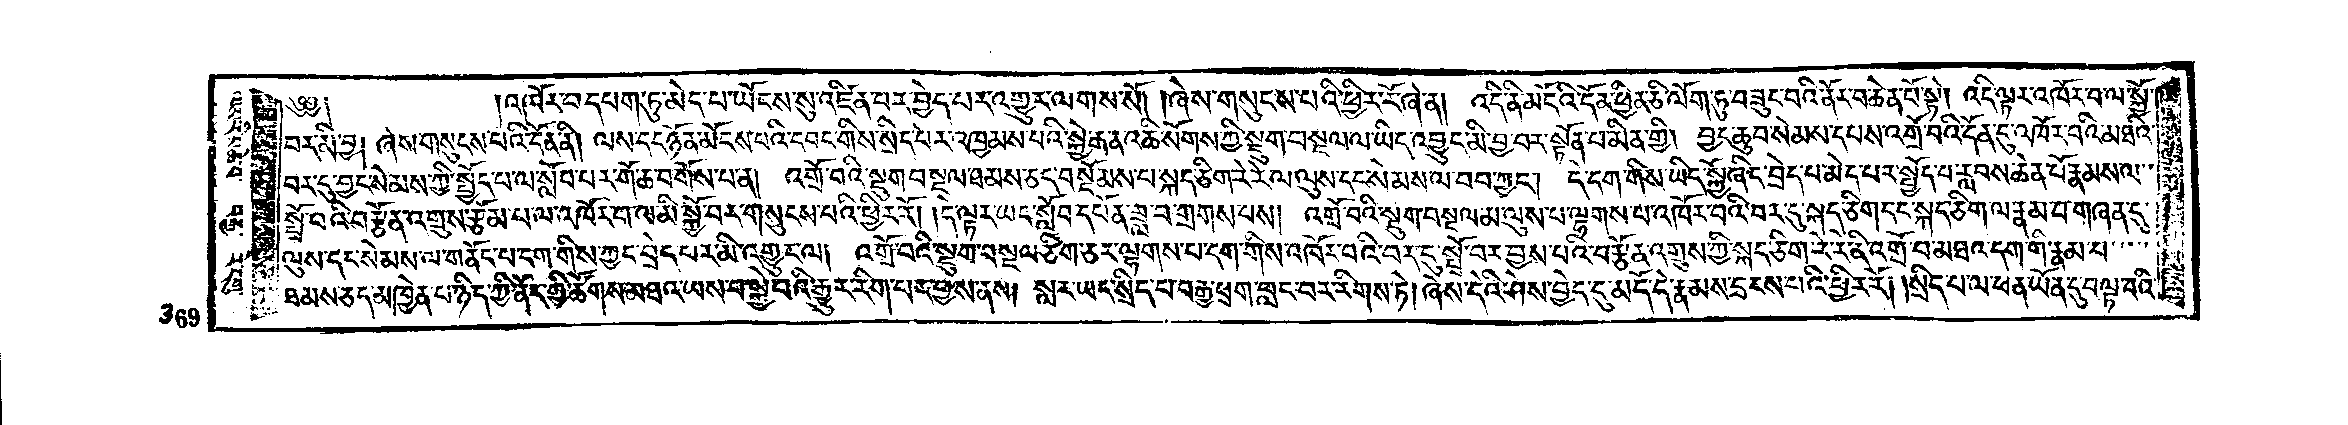༄༅། །འཁོར་བ་དཔག་ཏུ་མེད་པ་ཡོངས་སུ་འཛིན་པར་བྱེད་པར་འགྱུར་ལགས་སོ། །ཞེས་གསུངས་པའི་ཕྱིར་རོ་ཞེ་ན། འདི་ནི་མདོའི་དོན་ཕྱིན་ཅི་ལོག་ཏུ་བཟུང་བའི་ནོར་བ་ཆེན་པོ་སྟེ། འདི་ལྟར་འཁོར་བ་ལ་སྐྱོ་
བར་མི་བྱ། ཞེས་གསུངས་པའི་དོན་ནི། ལས་དང་ཉོན་མོངས་པའི་དབང་གིས་སྲིད་པར་འཁྱམས་པའི་སྐྱེ་རྒ་ན་འཆི་སོགས་ཀྱི་སྡུག་བསྔལ་ལ་ཡིད་འབྱུང་མི་བྱ་བར་སྟོན་པ་མིན་གྱི། བྱང་ཆུབ་སེམས་དཔས་འགྲོ་བའི་དོན་དུ་འཁོར་བའི་མཐའི་
བར་དུ་བྱང་སེམས་ཀྱི་སྤྱོད་པ་ལ་སློབ་པར་གོ་ཆ་བགོས་པ་ན། འགྲོ་བའི་སྡུག་བསྔལ་ཐམས་ཅད་བསྡོམས་པ་སྐད་ཅིག་རེ་རེ་ལ་ལུས་དང་སེམས་ལ་བབ་ཀྱང་། དེ་དག་གིས་ཡིད་སྐྱོ་ཞིང་བྲེད་པ་མེད་པར་སྤྱོད་པ་རླབས་ཆེན་པོ་རྣམས་ལ་
སྤྲོ་བའི་བརྩོན་འགྲུས་རྩོམ་པ་ལ་འཁོར་བ་ལ་མི་སྐྱོ་བར་གསུངས་པའི་ཕྱིར་རོ། །དེ་ལྟར་ཡང་སློབ་དཔོན་ཟླ་བ་གྲགས་པས། འགྲོ་བའི་སྡུག་བསྔལ་མ་ལུས་པ་ལྷགས་པ་འཁོར་བའི་བར་དུ་སྐད་ཅིག་དང་སྐད་ཅིག་ལ་རྣམ་པ་གཞན་དུ་
ལུས་དང་སེམས་ལ་གནོད་པ་དག་གིས་ཀྱང་བྲེད་པར་མི་འགྱུར་ལ། འགྲོ་བའི་སྡུག་བསྔལ་ཅིག་ཅར་ལྷགས་པ་དག་གིས་འཁོར་བའི་བར་དུ་སྤྲོ་བར་བྱས་པའི་བརྩོན་འགྲུས་ཀྱི་སྐད་ཅིག་རེ་རེ་ནི་འགྲོ་བ་མཐའ་དག་གི་རྣམ་པ་
ཐམས་ཅད་མཁྱེན་པ་ཉིད་ཀྱི་ནོར་གྱི་ཚོགས་མཐའ་ཡས་པ་སྐྱེ་བའི་རྒྱུར་རིག་པར་བྱས་ནས། སླར་ཡང་སྲིད་པ་བརྒྱ་ཕྲག་བླང་བར་རིགས་ཏེ། ཞེས་དེའི་ཤེས་བྱེད་དུ་མདོ་དེ་རྣམས་དྲངས་པའི་ཕྱིར་རོ། །སྲིད་པ་ལ་ཕན་ཡོན་དུ་བལྟ་བའི་